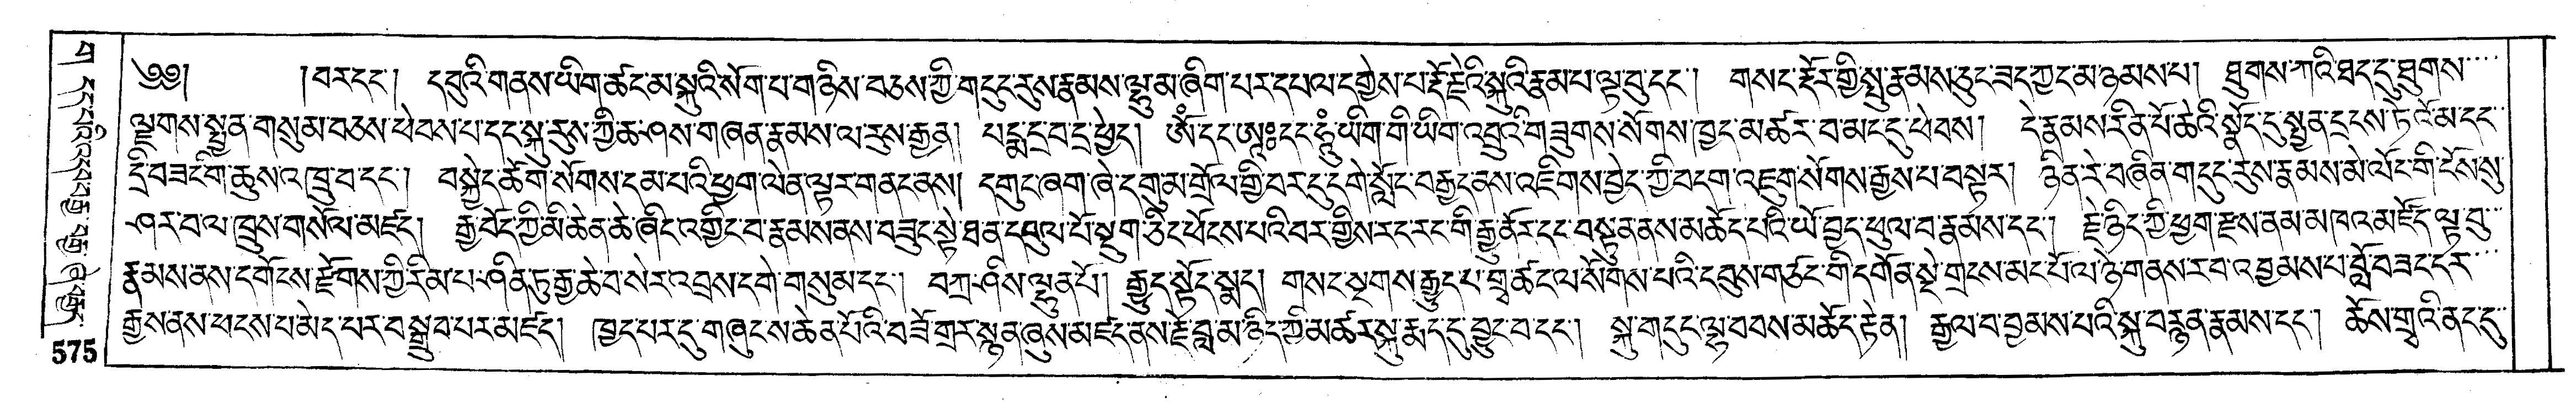༄༅། །བར་དང་། དབུའི་གནས་ཡིག་ཚང་མ་སྐུའི་སོག་བ་གཉིས་བཅས་ཀྱི་གདུང་རུས་རྣམས་ལྷུ་མ་ཞིག་པར་དཔལ་དགྱེས་པ་རྡོ་རྗེའིསྐུའི་རྣམ་བ་ལྟ་བུ་དང་། གསང་རྡོར་གྱི་སྤུ་རྣམས་ཅུང་ཟད་ཀྱང་ཨམ་ཉམས་པ། ཐུགས་ཀའི་ཐད་དུ་ཐུགས་
ལྗགས་སྤྱན་གསུམ་བཅས་ཕེབས་བ་དང་སྐུ་རུས་ཀྱི་ཆ་ཤས་གཞན་རྣམས་ལ་རུས་རྒྱན། པདམ་དྲ་བ་དྲ་ཕྱེད། ཨོཾ་དང་ཨཱཿ དང་ཧཱུཾ་ཡིག་གི་ཡིག་འབྲུའི་གཟུགས་སོགས་ཁྱད་མཚར་བ་མང་དུ་ཕེབས། དེ་རྣམས་རིན་པོ་ཆེའི་སྣོད་དུ་སྤྱན་དྲངས་ཏེ་འོ་མ་དང་
དྲི་བཟང་གི་ཆུས་འཁྲུ་བ་དང་། བསྐྱེད་ཚོག་སོགས་དམ་པའི་ཕྱག་ལེན་ལྟར་གནད་ནས། དགུང་ཞག་ཞེ་དགུ་མགྲོལ་གྱི་བར་དུ་དགེ་སློང་བརྒྱད་ནས་འཇིགས་བྱེད་ཀྱི་བདག་འཇུག་སོགས་རྒྱས་པ་བསྟར། ཉིན་རེ་བཞིན་གདུང་རུས་རྣམས་མེ་ལོང་གི་དངོས་སུ་
ཤར་བ་ལ་ཁྲུས་གསོལ་མཛད། རྒྱ་བོད་ཀྱི་མི་ཆེན་ཆེ་ཞིང་འགྱིད་བ་རྣམས་ནས་བཟུང་སྟེ་ཐན་དབུལ་པོ་སྡུག་ཅིང་ཕོངས་པའི་བར་གྱིས་རང་རང་གི་རྒྱུ་ནོར་དང་བསྟུན་ནས་མཆོད་བའི་ཡོ་བྱད་ཕུལ་བ་རྣམས་དང་། རྗེ་ཉིད་ཀྱི་ཕྱག་རྫས་ནམ་མཁའ་མཛོད་ལྟ་བུ་
རྣམས་ནས་དགོངས་རྫོགས་ཀྱི་རིམ་པ་ཤིན་ཏུ་རྒྱ་ཆེ་བ་སེར་འབྲས་དགེ་གསུམ་དང་། བཀྲ་ཤིས་ལྷུན་པོ། རྒྱུད་སྟོང་སྨད། གསང་སྔགས་རྒྱུད་པ་གྲྭ་ཚང་ལ་སོགས་པའི་དབུས་གཙང་གི་དགོན་སྡེ་གྲངས་མང་པོ་ལ་ཉེ་གནས་རབ་འབྱམས་པ་བློ་བཟང་དར་
རྒྱས་ནས་ཕངས་པ་མེད་པར་བསྒྲུབ་པར་མཛད། ཁྱད་པར་དུ་གཞུངས་ཆེན་པོའི་བཟོ་གྲར་སྙན་ཞུས་མཛད་ནས་རྗེ་བླ་མ་ཉིད་ཀྱི་མཚར་སྐུ་རྨད་དུ་བྱུང་བ་དང་། སྐུ་གདུང་ལྟ་བབས་མཆོད་རྟེན། རྒྱལ་བ་བྱམས་པའི་སྐུ་བརྙན་རྣམས་དང་། ཆོས་གྲྭའི་ནང་དུ་